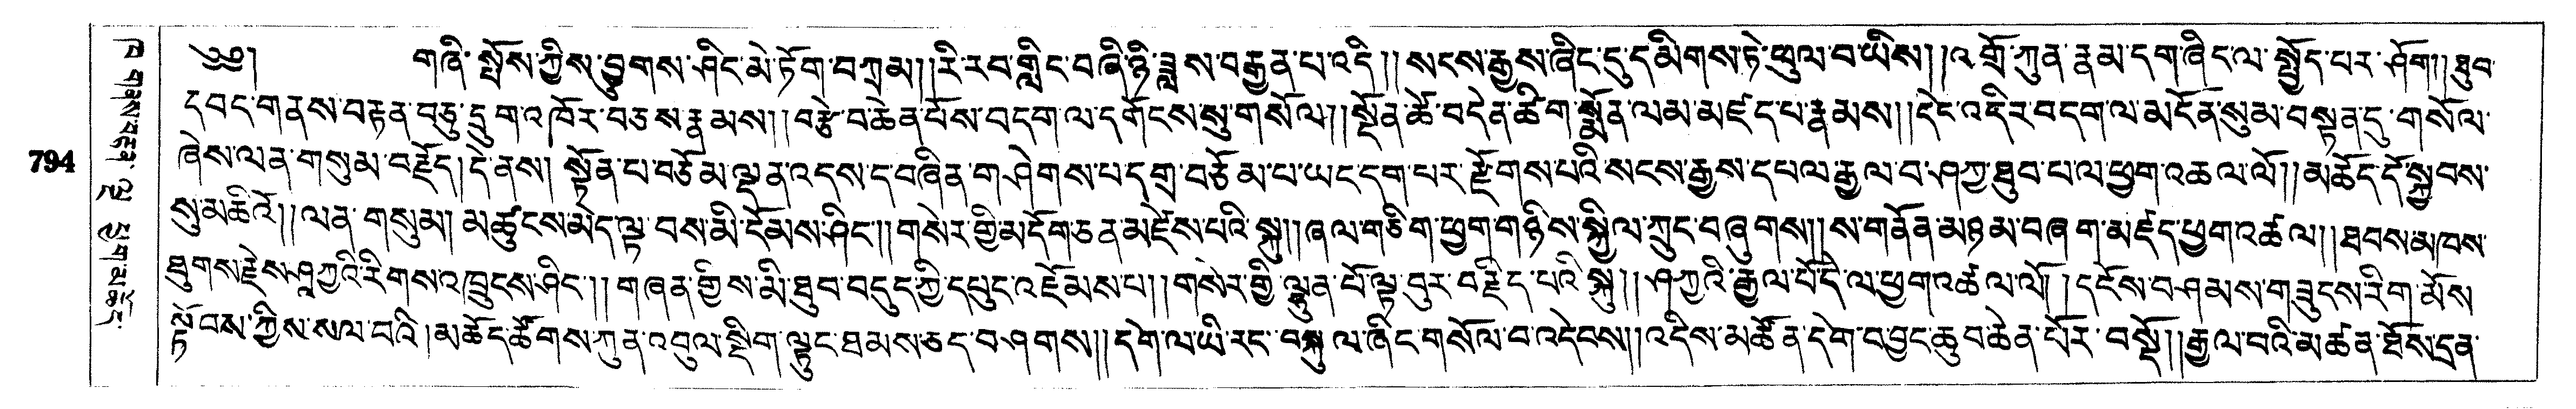༄༅། །གཞི་སྤོས་ཀྱིས་བྱུགས་ཤིང་མེ་ཏོག་བཀྲམ། །རི་རབ་གླིང་བཞི་ཉི་ཟླས་བརྒྱན་པ་འདི། །སངས་རྒྱས་ཞིང་དུ་དམིགས་ཏེ་ཕུལ་བ་ཡིས། །འགྲོ་ཀུན་རྣམ་དག་ཞིང་ལ་སྤྱོད་པར་ཤོག། །ཐུབ་
དབང་གནས་བརྟན་བཅུ་དྲུག་འཁོར་བཅས་རྣམས། །བརྩེ་བ་ཆེན་པོས་བདག་ལ་དགོངས་སུ་གསོལ། །སྔོན་ཚེ་བདེན་ཚིག་སྨོན་ལམ་མཛད་པ་རྣམས། །དེང་འདིར་བདག་ལ་མངོན་སུམ་བསྟན་དུ་གསོལ་
ཞེས་ལན་གསུམ་བརྗོད། དེ་ནས། སྟོན་པ་བཅོམ་ལྡན་འདས་དེ་བཞིན་གཤེགས་པ་དགྲ་བཅོམ་པ་ཡང་དག་པར་རྫོགས་པའི་སངས་རྒྱས་དཔལ་རྒྱལ་བ་ཤཱཀྱ་ཐུབ་པ་ལ་ཕྱག་འཚལ་ལོ། །མཆོད་དོ་སྐྱབས་
སུ་མཆིའོ། །ལན་གསུམ། མཚུངས་མེད་ལྟ་བས་མི་ངོམས་ཤིང་། །གསེར་གྱི་མདོག་ཅན་མཛེས་པའི་སྐུ། །ཞལ་གཅིག་ཕྱག་གཉིས་སྐྱིལ་ཀྲུང་བཞུགས། །ས་གནོན་མཉམ་བཞག་མཛད་ཕྱག་འཚལ། །ཐབས་མཁས་
ཐུགས་རྗེས་ཤཱཀྱའི་རིགས་འཁྲུངས་ཤིང་། །གཞན་གྱིས་མི་ཐུབ་བདུད་ཀྱི་དཔུང་འཇོམས་པ། །གསེར་གྱི་ལྷུན་པོ་ལྟ་བུར་བརྗིད་པའི་སྐུ། །ཤཀྱའི་རྒྱལ་པོ་དེ་ལ་ཕྱག་འཚལ་ལོ། །དངོས་བཤམས་གཟུངས་རིག་མོས་
སྟོབས་ཀྱིས་སལ་བའི། མཆོད་ཚོགས་ཀུན་འབུལ་སྡིག་ལྟུང་ཐམས་ཅད་བཤགས། །དགེ་ལ་ཡི་རང་བསྐུལ་ཞིང་གསོལ་བ་འདེབས། །འདིས་མཚོན་དགེ་བ་བྱང་ཆུབ་ཆེན་པོར་བསྔོ། །རྒྱལ་བའི་མཚན་ཐོས་དྲན་